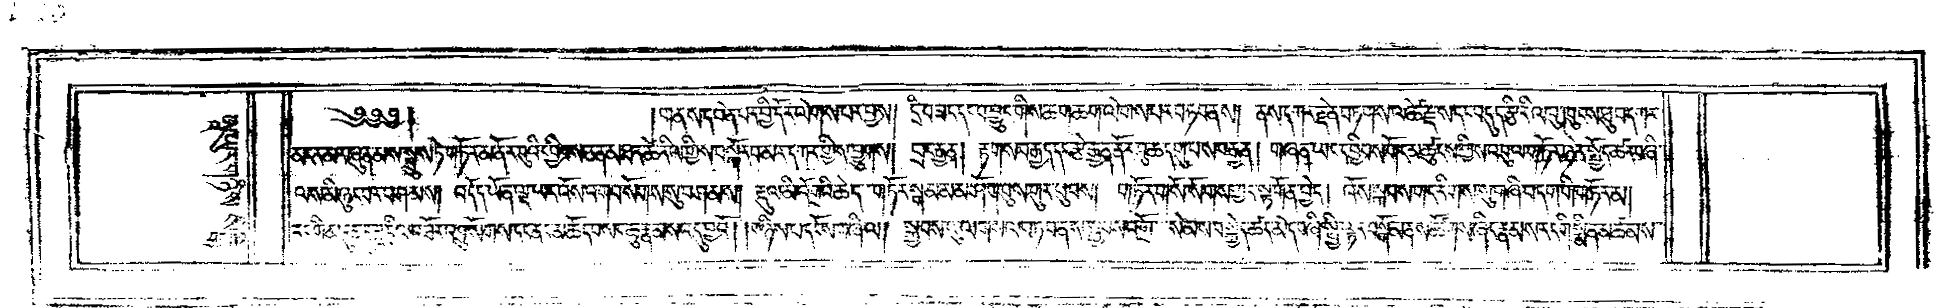༄༅༅། །གནས་དབེན་པར་བྱི་དོར་ལེགས་པར་བྱས། དྲི་བཟང་དང་བ་བྱུང་གིས་ཆག་ཆག་ལེགས་པར་བཏབ་ནས། ནས་དཀར་རྗེན་བཏགས་ལ་ཚེ་རྫས་དང་བདུད་རྩི་རིལ་བུ་ཁུངས་ཐུབ་དཀར་
མངར་མར་ཞུན་མས་སྤྲུས་ཏེ་གཏོར་མ་ནོར་བུའི་དབྱིབས་ཅན་མཐར་ཚེ་རིལ་གྱིས་བསྐོར་བ་མར་དཀར་གྱིས་བྱུགས། བྲང་རྒྱན། རྟགས་བརྒྱད་དང་རྩེ་རྒྱན་ནོར་བུ་ཆ་དགུ་པས་བརྒྱན། གཞན་ཡང་དབྱིབས་གོང་མཚུངས་ཀྱིས་འབུལ་གཏོར་ཉེར་སྤྱོད་ཚར་བཞི་
ལས་མི་ཉུང་བར་བཤམས། འདོད་ཡོན་ལྔ་ཡང་འོས་འགབ་སོགས་སུ་བཤམས། རྡུལ་མི་འགྲོའི་ཆེད་གཏོར་སྒམ་མམ་ཤོག་བུས་གུར་ཕུབས། གཏོར་གསོ་སོགས་ཀྱང་སྟ་གོན་བྱེད། འོས་སྐབས་གང་རིགས་སུ་གཞི་བདག་གི་གཏོར་མ།
རང་གི་མདུན་དུ་ཌཱ་དྲིལ་འཐོར་འབྲུ་སོགས་དང་ནང་མཆོད་བསང་ཆུ་རྣམས་འདུ་བྱའོ། །གཉིས་པ་དངོས་གཞི་ལ། སྐྱབས་ཡུལ་གསལ་བཏབ་ནས་སྐྱབས་འགྲོ་སེམས་བསྐྱེད་ཚད་མེད་བཞི་སྤྱི་ལྟར་བསྒོམ་ནས་ཚོགས་ཞིང་རྣམས་རང་གི་སྨིན་མཚམས་